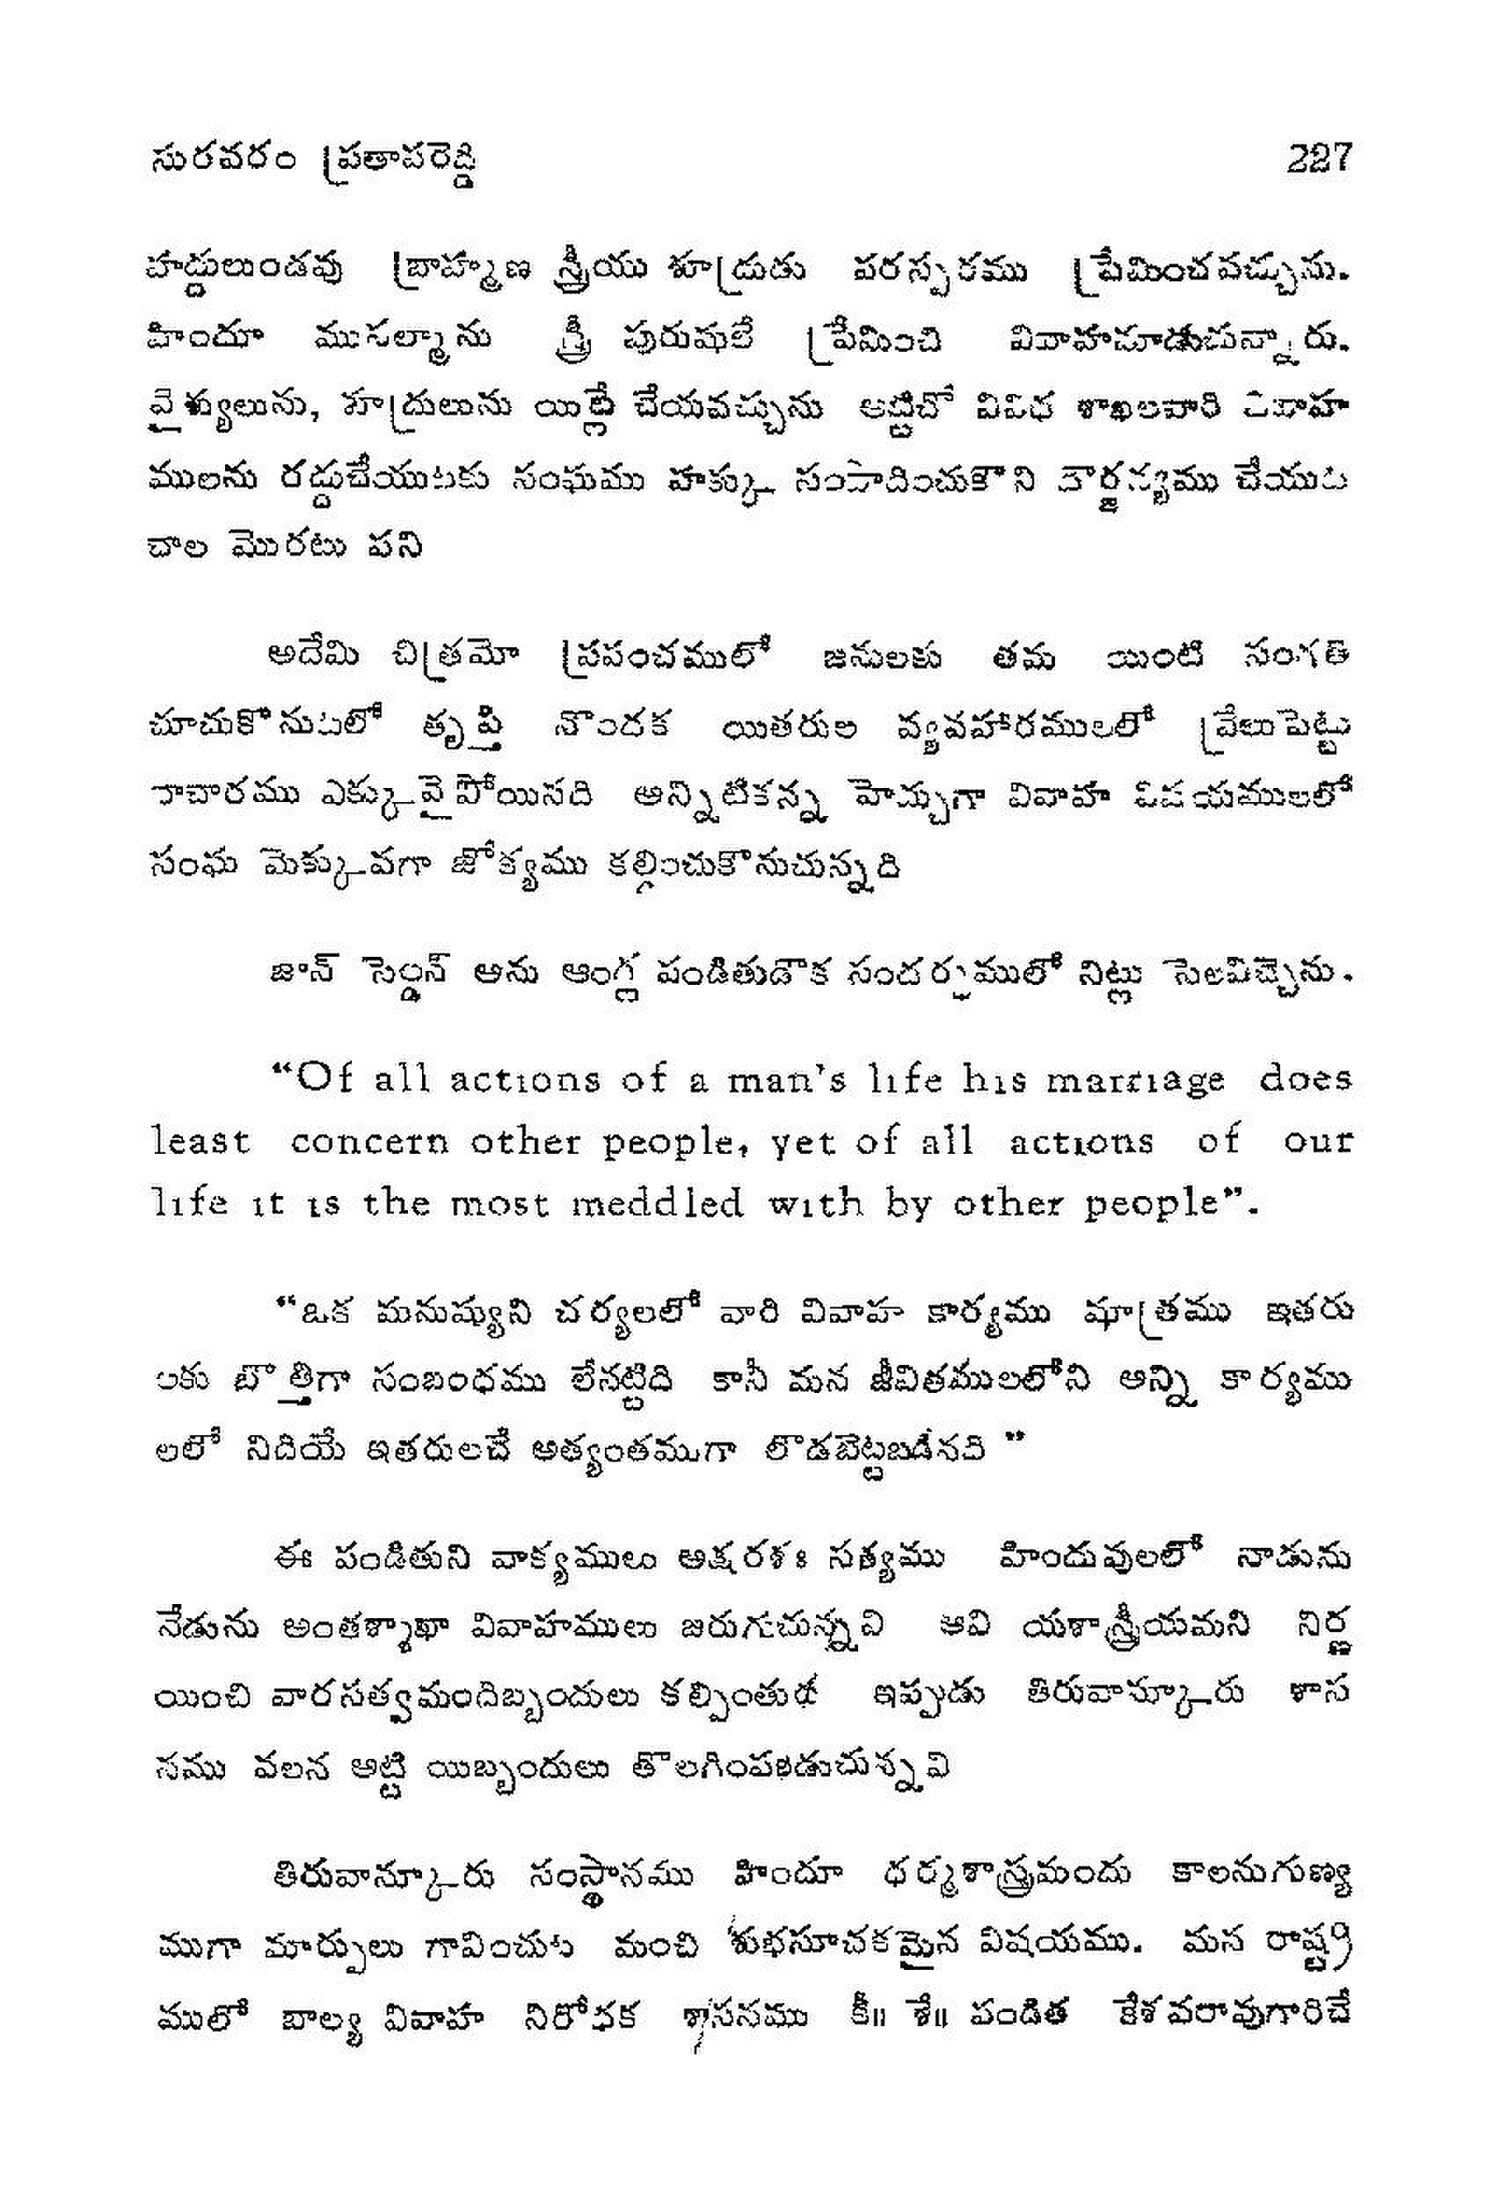హద్దులుండవు బ్రాహ్మణ స్త్రీయు శూద్రుడు పరస్పరము ప్రేమించవచ్చును. హిందూ ముసల్మాను స్త్రీ పురుషులే ప్రేమించి వివాహమాడుచున్నారు. వైశ్యులును, శూద్రులును యిట్లే చేయవచ్చును అట్టిచో వివిధ శాఖలవారి వివాహములను రద్దుచేయుటకు సంఘము హక్కు సంపాదించుకొని దౌర్జన్యము చేయుట చాల మొరటు పని

అదేమి చిత్రమో ప్రపంచములో జనులకు తమ యింటి సంగతి చూచుకోనుటలో తృప్తి నొందక యితరుల వ్యవహారములలో వ్రేలుపెట్టు నాచారము ఎక్కువైపోయినది అన్నిటికన్న హెచ్చుగా వివాహ విషయములలో సంఘ మెక్కువగా జోక్యము కల్గించుకొనుచున్నది

జాన్ సెల్డన్ అను ఆంగ్ల పండితుడొక సందర్భములో నిట్లు సెలవిచ్చెను.

“Of all actions of a man's life his marriage does least concern other people, yet of all actions of our life it is the most meddled with by other people".

"ఒక మనుష్యుని చర్యలలో వారి వివాహ కార్యము మాత్రము ఇతరులకు బొత్తిగా సంబంధము లేనట్టిది కానీ మన జీవితములలోని అన్ని కార్యములలో నిదియే ఇతరులచే అత్యంతముగా లొడబెట్టబడినది".

ఈ పండితుని వాక్యములు అక్షరశః సత్యము హిందువులలో నాడును నేడును అంతశ్శాఖా వివాహములు జరుగుచున్నవి అవి యశాస్త్రీయమని నిర్ణయించి వారసత్వమందిబ్బందులు కల్పింతురు ఇప్పుడు తిరువాన్కూరు శాసనము వలన అట్టి యిబ్బందులు తొలగింపబడుచున్నవి

తిరువాన్కూరు సంస్థానము హిందూ ధర్మశాస్త్రమందు కాలనుగుణ్యముగా మార్పులు గావించుట మంచి శుభసూచకమైన విషయము. మన రాష్ట్రములో బాల్య వివాహ నిరోధక శాసనము కీ॥ శే॥ పండిత కేశవరావుగారిచే